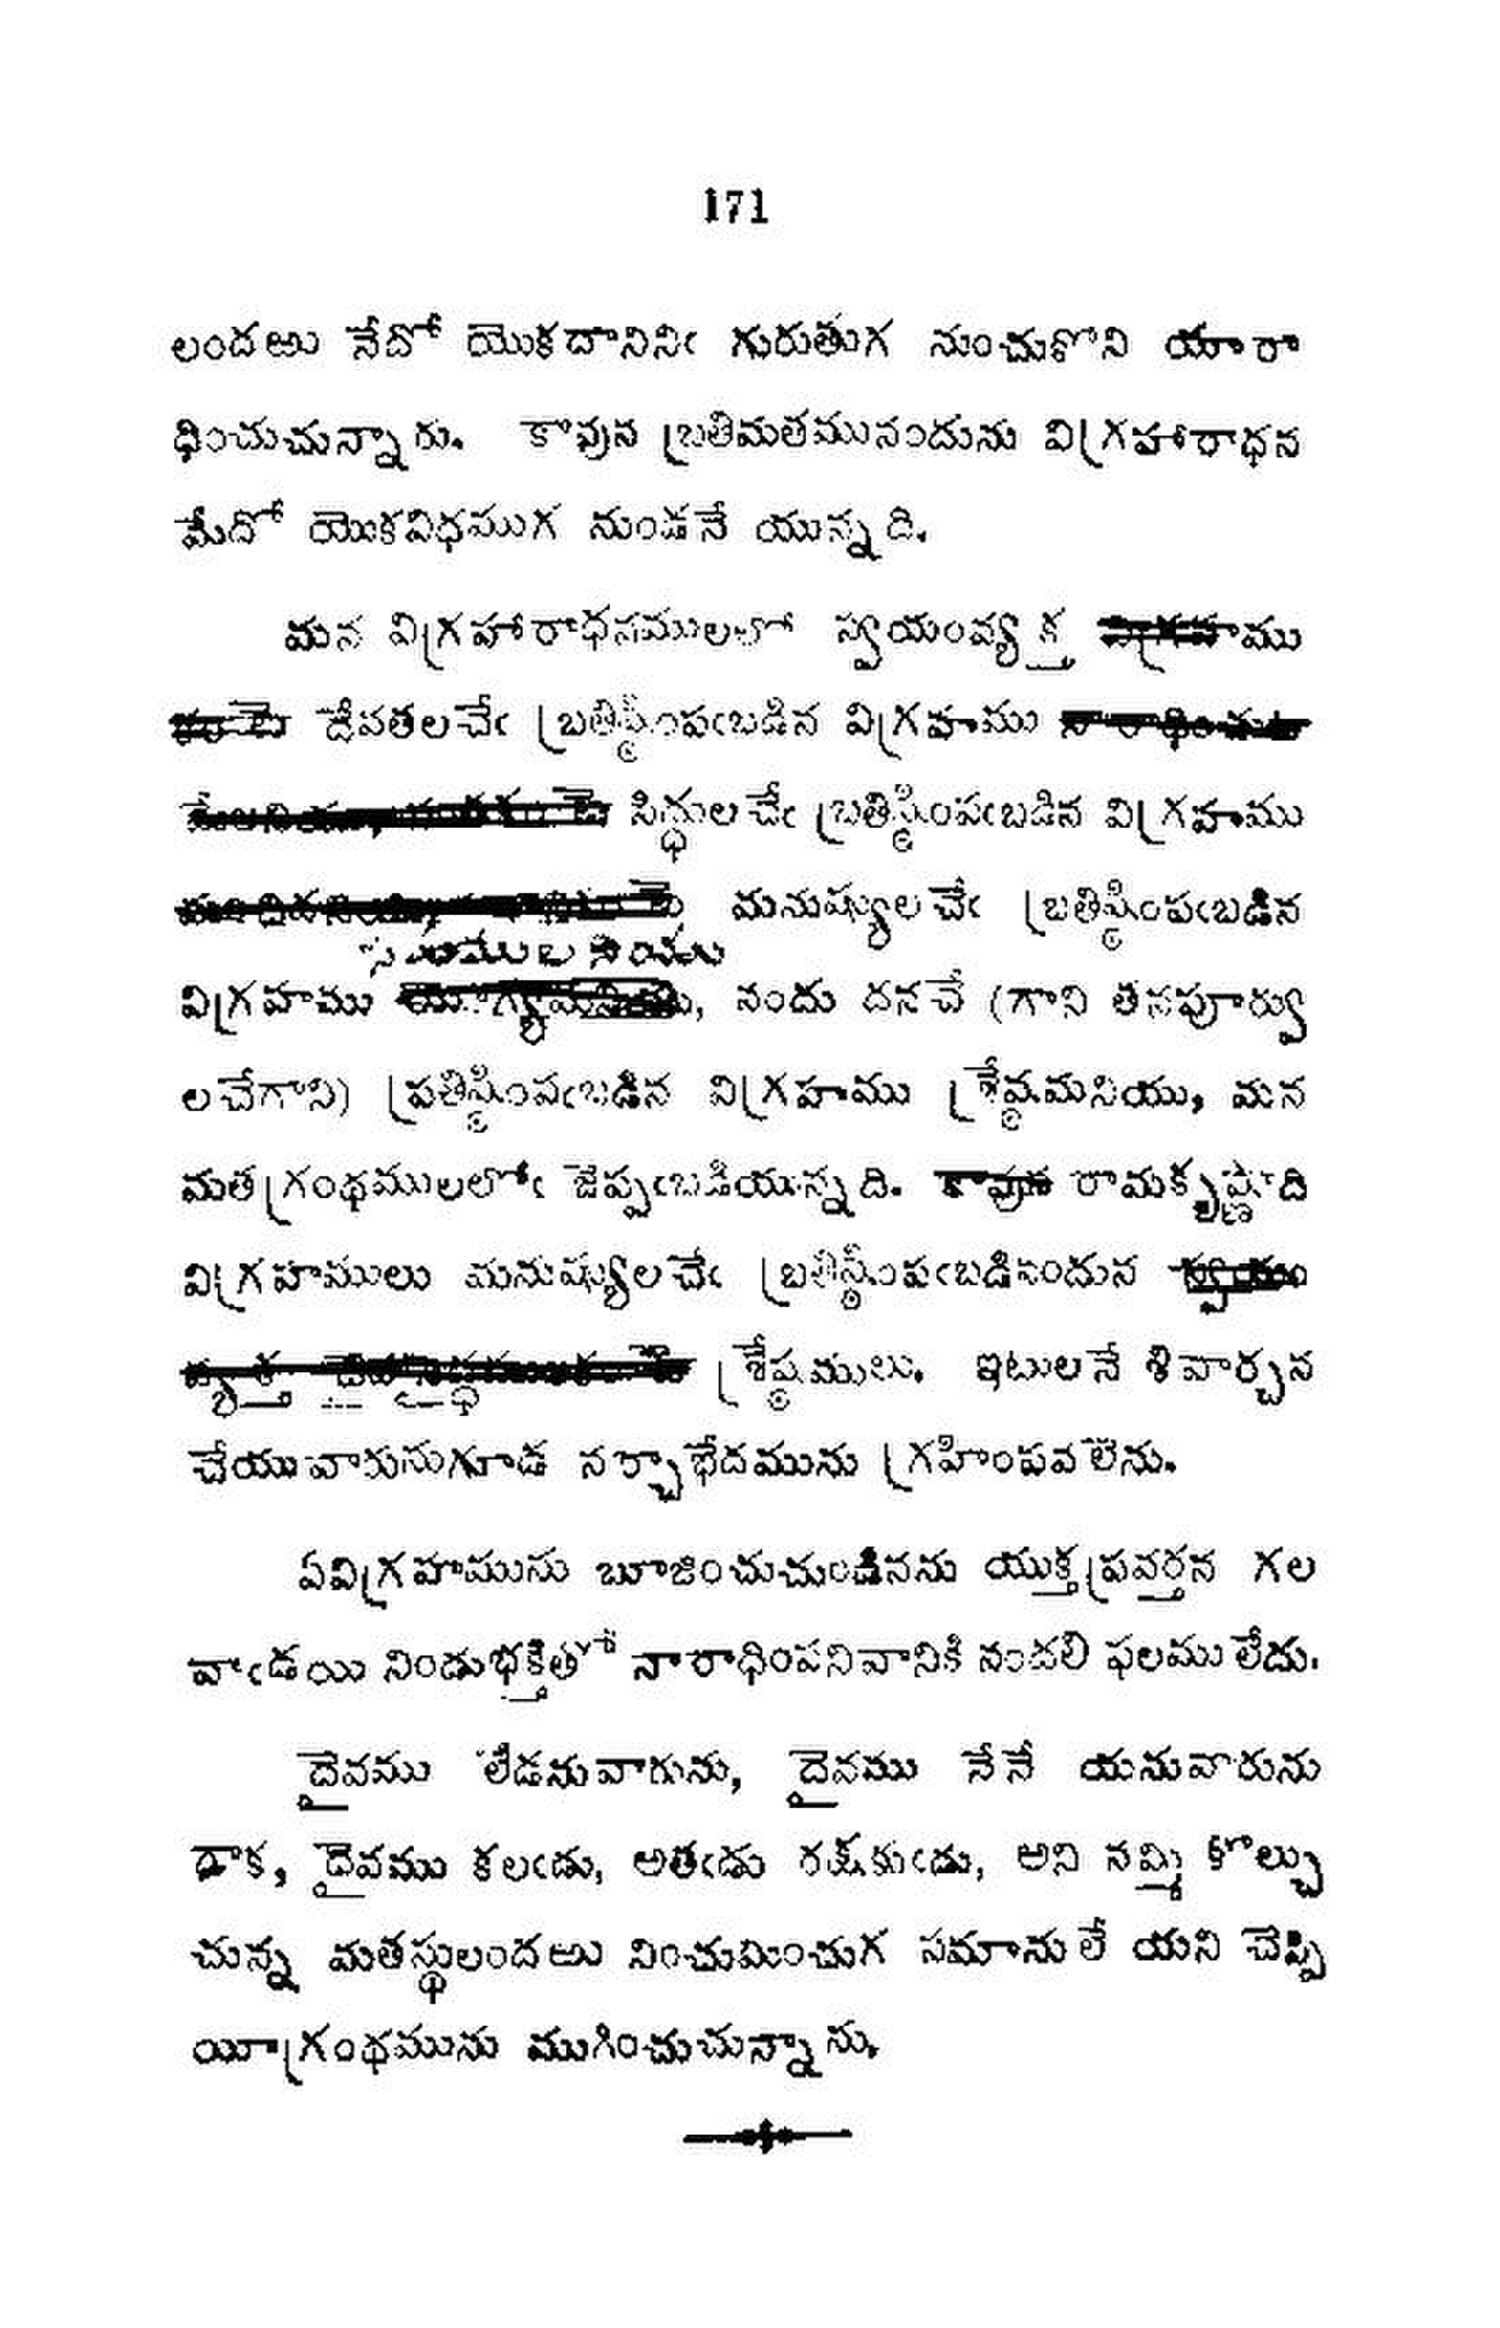లందఱు నేదో యొకదానినిఁ గురుతుగ నుంచుకొని యారాధించుచున్నారు. కావున బ్రతిమతము నందును విగ్రహారాధన మేదో యొకవిధముగ నుండనే యున్నది.

మన విగ్రహారాధనములలో స్వయంవ్యక్తము దేవతలచేఁ బ్రతిష్ఠింపఁబడిన విగ్రహము సిద్ధులచేఁ బ్రతిష్ఠింపఁబడిన విగ్రహము మనుష్యులచేఁ బ్రతిష్ఠింపఁబడిన విగ్రహము సంతములనియు, నందు దనచే (గాని తసపూర్వులచేగాని) ప్రతిష్ఠింపబడిన విగ్రహము శ్రేష్ఠమనియు, మనమత గ్రంథములలోఁ జెప్పఁబడియున్నది. కావున రామకృష్ణాది విగ్రహములు మనుష్యులచేఁ బ్రతిష్ఠింపఁబడినందున శ్రేష్ఠములు. ఇటులనే శివార్చన చేయువారునుగూడ నర్చాభేదమును గ్రహింపవలెను.

ఏవిగ్రహమును బూజించుచుండినను యుక్త ప్రవర్తన గలవాఁడయి నిండుభక్తితో నారాధింపనివానికి నందలి ఫలము లేదు.

దైవము లేడనువారును, దైవము నేనే యనువారును గాక, దైవము కలఁడు, అతఁడు రక్షకుఁడు, అని నమ్మి కొల్చుచున్న మతస్థులందఱు నించుమించుగ సమానులే యని చెప్పి యీగ్రంథమును ముగించుచున్నాను.

__________